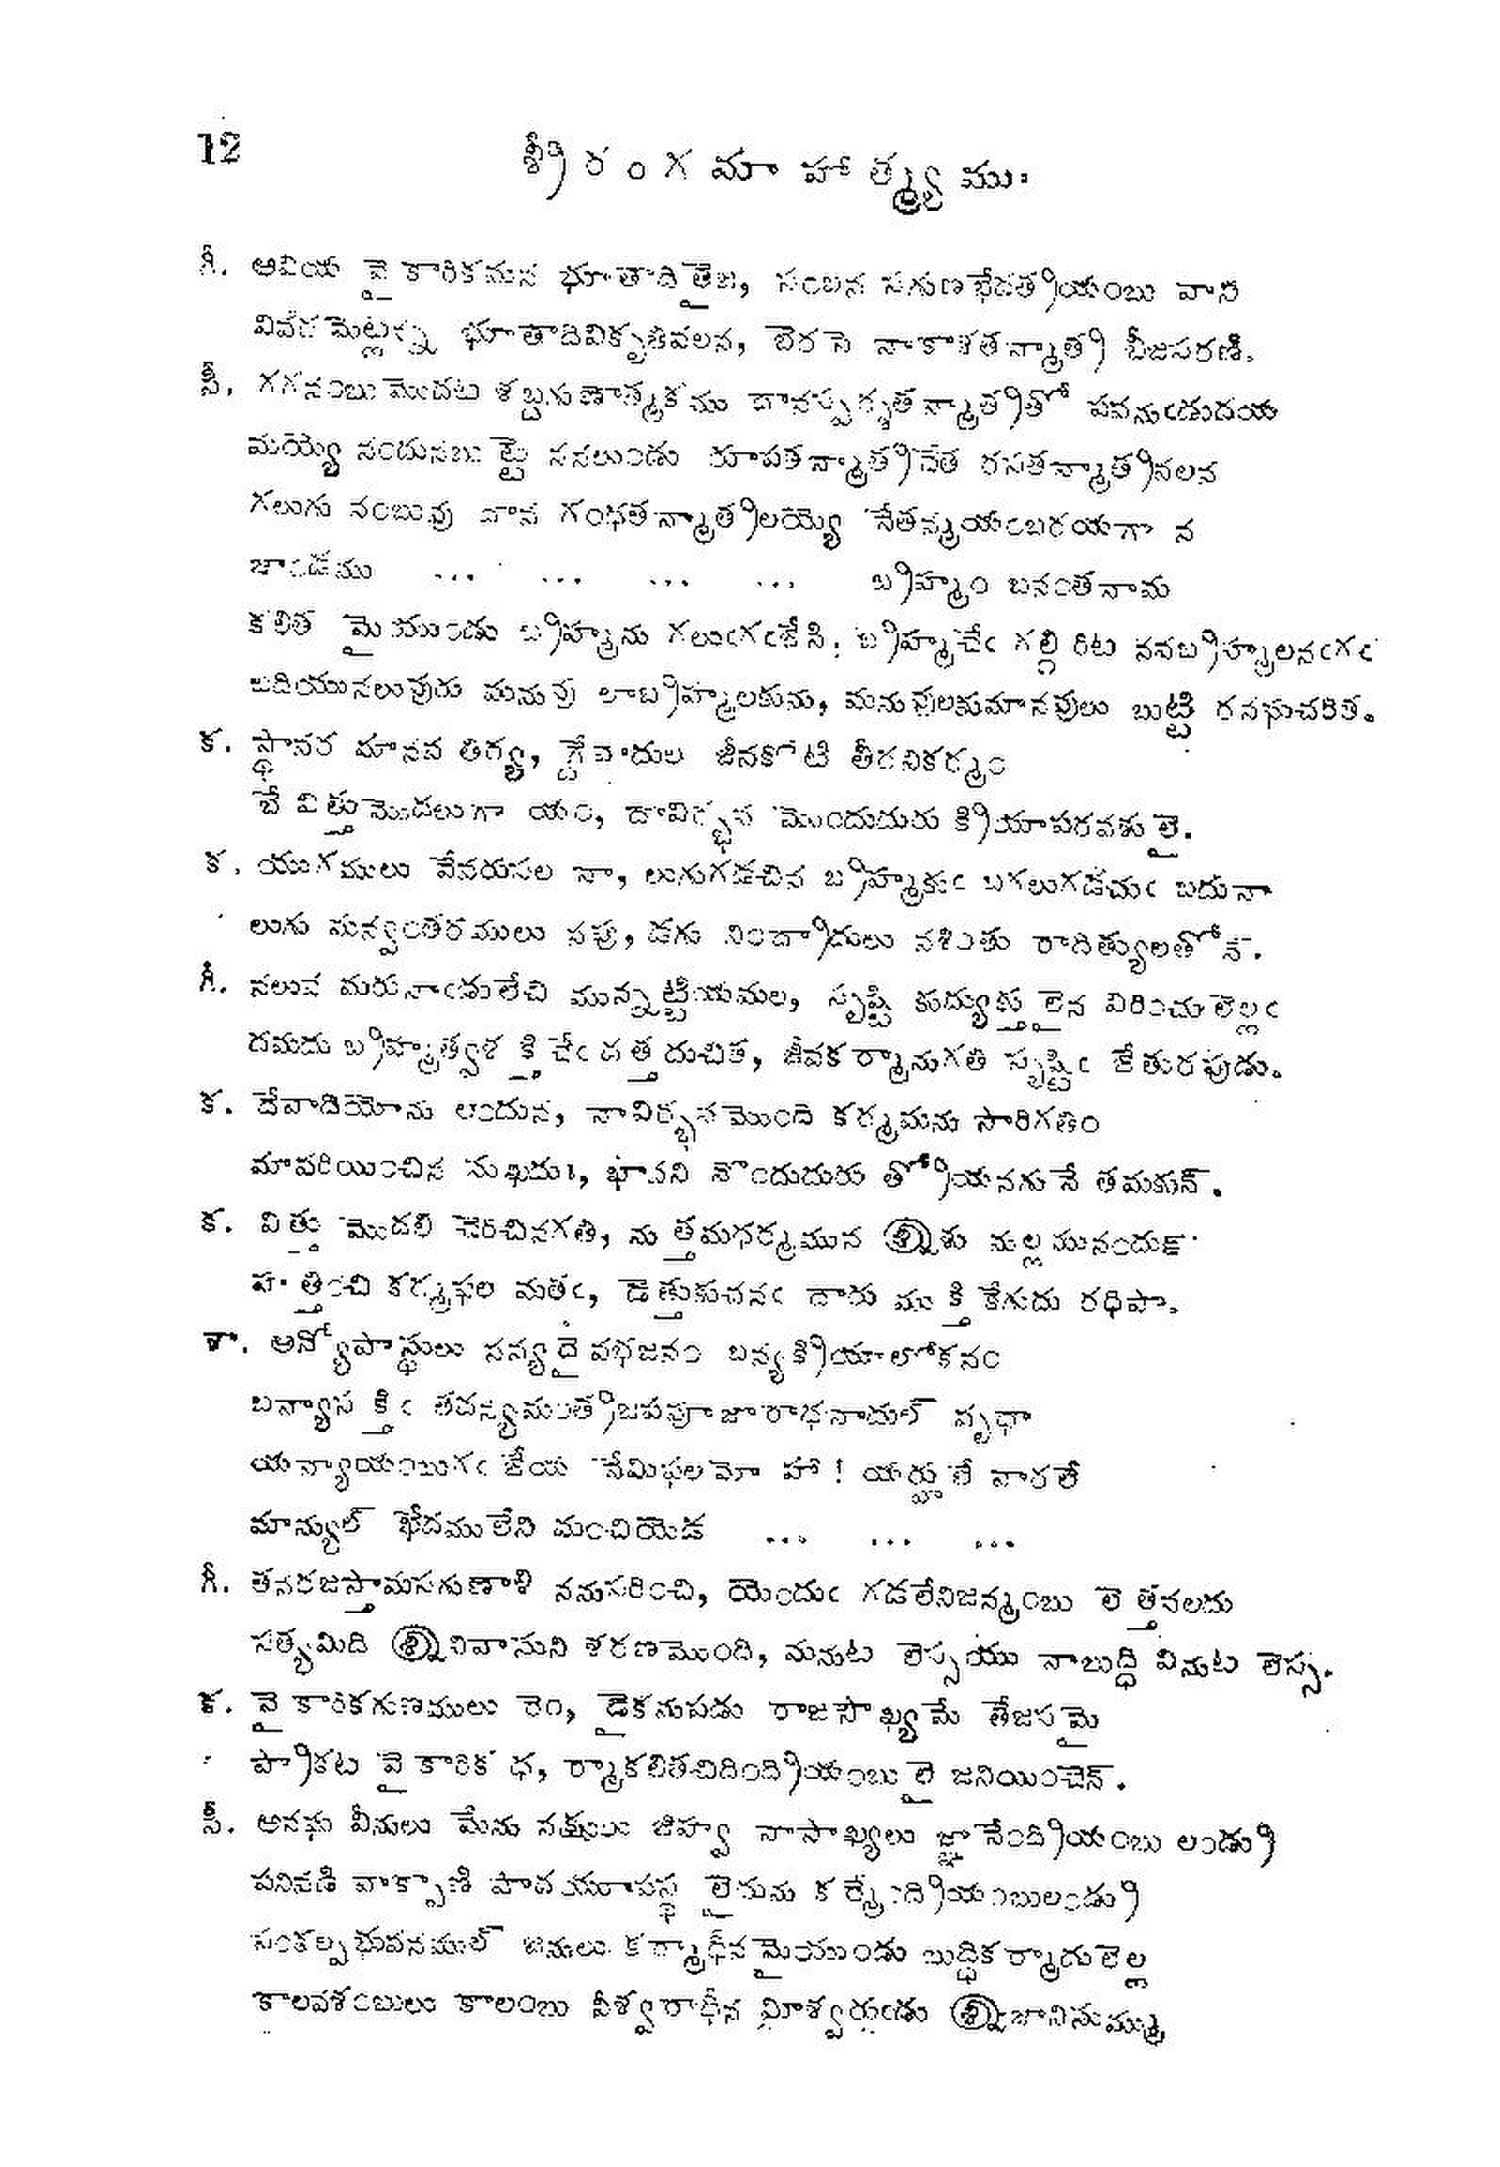గీ. అవియ వైకారికమున భూతాదితైజ, సంబన సగుణభేదత్రయంబు వాని
 వివర మెట్లన్న భూతాదివికృతివలన, బెరసె నాకాశతన్మాత్ర బీజసరణి.
సీ. గగనంబు మొదట శబ్దగుణాత్మకము దానస్పర్శతన్మాత్రతో పవనుఁ డుదయ
 మయ్యె నందున బుట్టె ననలుండు రూపతన్మాత్రచేత రసతన్మాత్రవలన
 గలుగు నంబువు దాన గంధకన్మాత్రలయ్యె నేతన్మయంబరయగా న
 జాండము.............................బ్రహ్మం బనంతనామ
 కళిత మైయుండు బ్రహ్మను గలుగజేసి, బ్రహ్మచేఁ గల్గి రిట ననబ్రహ్మలనఁగఁ
 బడియు నలువురు మనువు లాబ్రహ్మలకును, మనువులకు మానవులు బుట్టి రనఘచరిత.
క. స్థావర మానవ తిర్య, గ్దేవాదుల జీవకోటి తీరనికర్మం
 బే విత్తు మొదలుగా యం, దావిర్భవ మొందుదురు క్రియాపరవశులై.
క. యుగములు వేవరుసల నా, లుగుగడచిన బ్రహ్మకుఁ బగలుగడచుఁ బదునా
 లుగు మన్వంతరములు నపు, డగు నింద్రాదులు నశింతు రాదిత్యులతోన్.
గీ. నలువ మరునాఁడు లేచి మున్నట్టియమల, సృష్టి కుద్యుక్తులైన విరించులెల్లఁ
 దమదు బ్రహ్మత్వశక్తిచేఁ దత్తదుచిత, జీవకర్మానుగతి సృష్టిఁ జేతురపుడు.
క. దేవాదియోను లందున, నావిర్భవమొంది కర్మమను సారిగతిం
 మావరియించిన సుఖదుః, ఖావని నొందుదురు త్రోయనగునే తమకున్.
క. విత్తు మొదలి చెరచినగతి, నుత్తమధర్మమున శ్రీశు నుల్లమునందున్
 హత్తించి కర్మఫల మతఁ, డెత్తుకుచనఁ దారు ముక్తి కేగుదు రధిపా.
శా. అన్యోపాస్థులు నన్యదైవభజనం బన్యక్రియాలోకనం
 బన్యాసక్తిఁ దదన్యమంత్రజపపూజారాధనాదుల్ వృథా
 యన్యాయంబుగఁ జేయ నేమిఫలమో హా! యర్హులే వారలే
 మాన్యుల్ ఖేదములేని మంచియెడ....................
గీ. తనరజస్తామసగుణాళి ననుసరించి, యెందుఁ గడలేనిజన్మంబు లెత్తవలదు
 సత్యమిది శ్రీనివాసుని శరణ మొంది, మనుట లెస్సయు నాబుద్ధి వినుట లెస్స.
క. వైకారికగుణములు రెం, డైకనుపడు రాజసౌఖ్య మే తేజసమై
 ప్రాకట వైకారిక ధ, ర్మాకలితచిదింద్రియంబులై జనియించెన్.
సీ. అనఘ వీనులు మేను నక్షులు జిహ్వ నాసాఖ్యలు జ్ఞానేంద్రియంబు లండ్రు
 పనివడి వాక్పాణి పాదయూపస్థ లైదును కర్మేంద్రియంబులండ్రు
 సంకల్పభువనముల్ జనులు కర్మాధీనమైయుండు బుద్ధికర్మాదు లెల్ల
 కాలవశంబులు కాలంబు నీశ్వరాధీన మీశ్వరుఁడు శ్రీజానిసుమ్ము